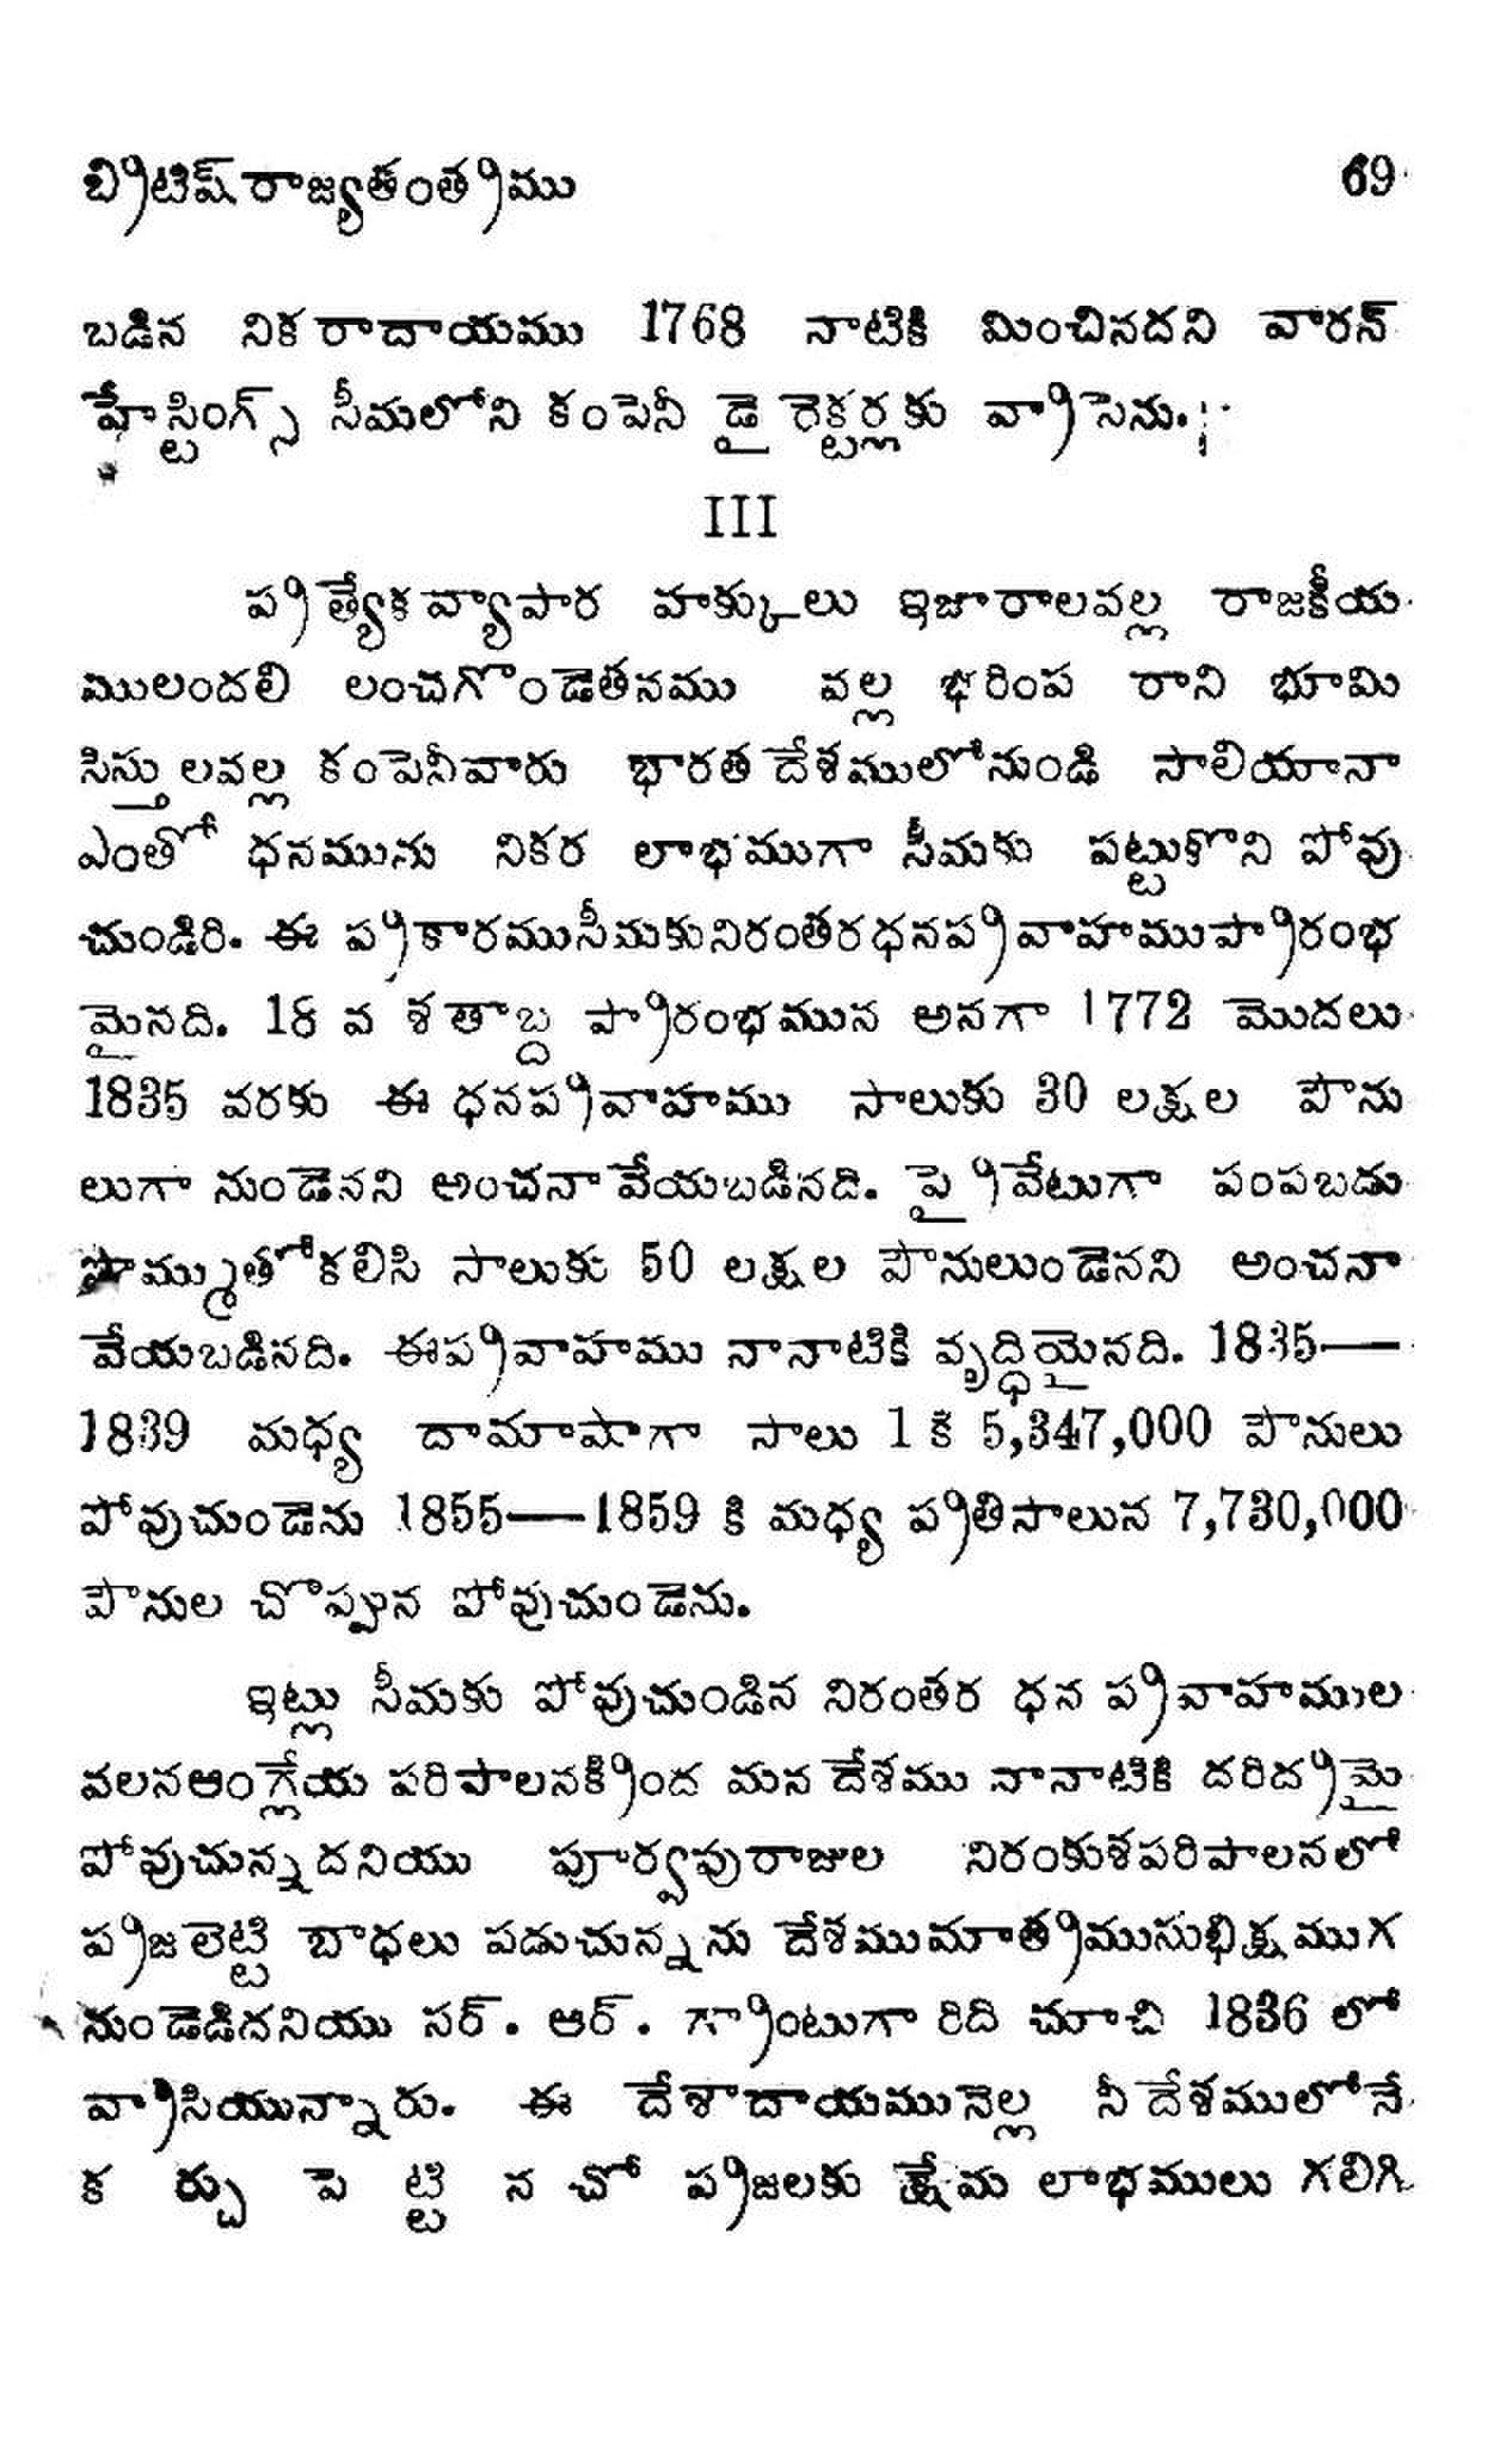బడిన నికరాదాయము 1768 నాటికి మించినదని వారన్ హేస్టింగ్స్ సీమలోని కంపెనీ డైరెక్టర్లకు వ్రాసెను.

III

ప్రత్యేకవ్యాపార హక్కులు ఇజూరాలవల్ల రాజకీయములందలి లంచగొండెతనము వల్ల భరింప రాని భూమిసిస్తులవల్ల కంపెనీవారు భారతదేశములోనుండి సాలియానా ఎంతో ధనమును నికర లాభముగా సీమకు పట్టుకొని పోవుచుండిరి. ఈ ప్రకారముసీమకు నిరంతరధనప్రవాహము ప్రారంభమైనది. 18 వ శతాబ్ద ప్రారంభమున అనగా 1772 మొదలు. 1835 వరకు ఈ ధనప్రవాహము సాలుకు 30 లక్షల పౌనులుగా నుండెనని అంచనా వేయబడినది. ప్రైవేటుగా పంపబడు సొమ్ముతోకలిసి సాలుకు 50 లక్షల పౌనులుండెనని అంచనా వేయబడినది. ఈ ప్రవాహము నానాటికి వృద్ధియైనది. 1835– 1839 మధ్య దామాషాగా సాలు 1కి 5,347,000 పౌనులు పోవుచుండెను 1855–1859 కి మధ్య ప్రతిసాలున 7,730,000 పౌనుల చొప్పున పోవుచుండెను.

ఇట్లు సీమకు పోవుచుండిన నిరంతర ధనప్రవాహముల వలన ఆంగ్లేయ పరిపాలనక్రింద మనదేశము నానాటికి దరిద్రమై పోవుచున్నదనియు పూర్వపురాజుల నిరంకుశపరిపాలనలో ప్రజలెట్టి బాధలు పడుచున్నను దేశముమాత్రము సుభిక్షముగ నుండెడిదనియు సర్. ఆర్. గ్రాంటుగా రిది చూచి 1836 లో వ్రాసియున్నారు. ఈ దేశాదాయమునెల్ల నీ దేశములోనే కర్చు పెట్టినచో ప్రజలకు క్షేమ లాభములు గలిగి,